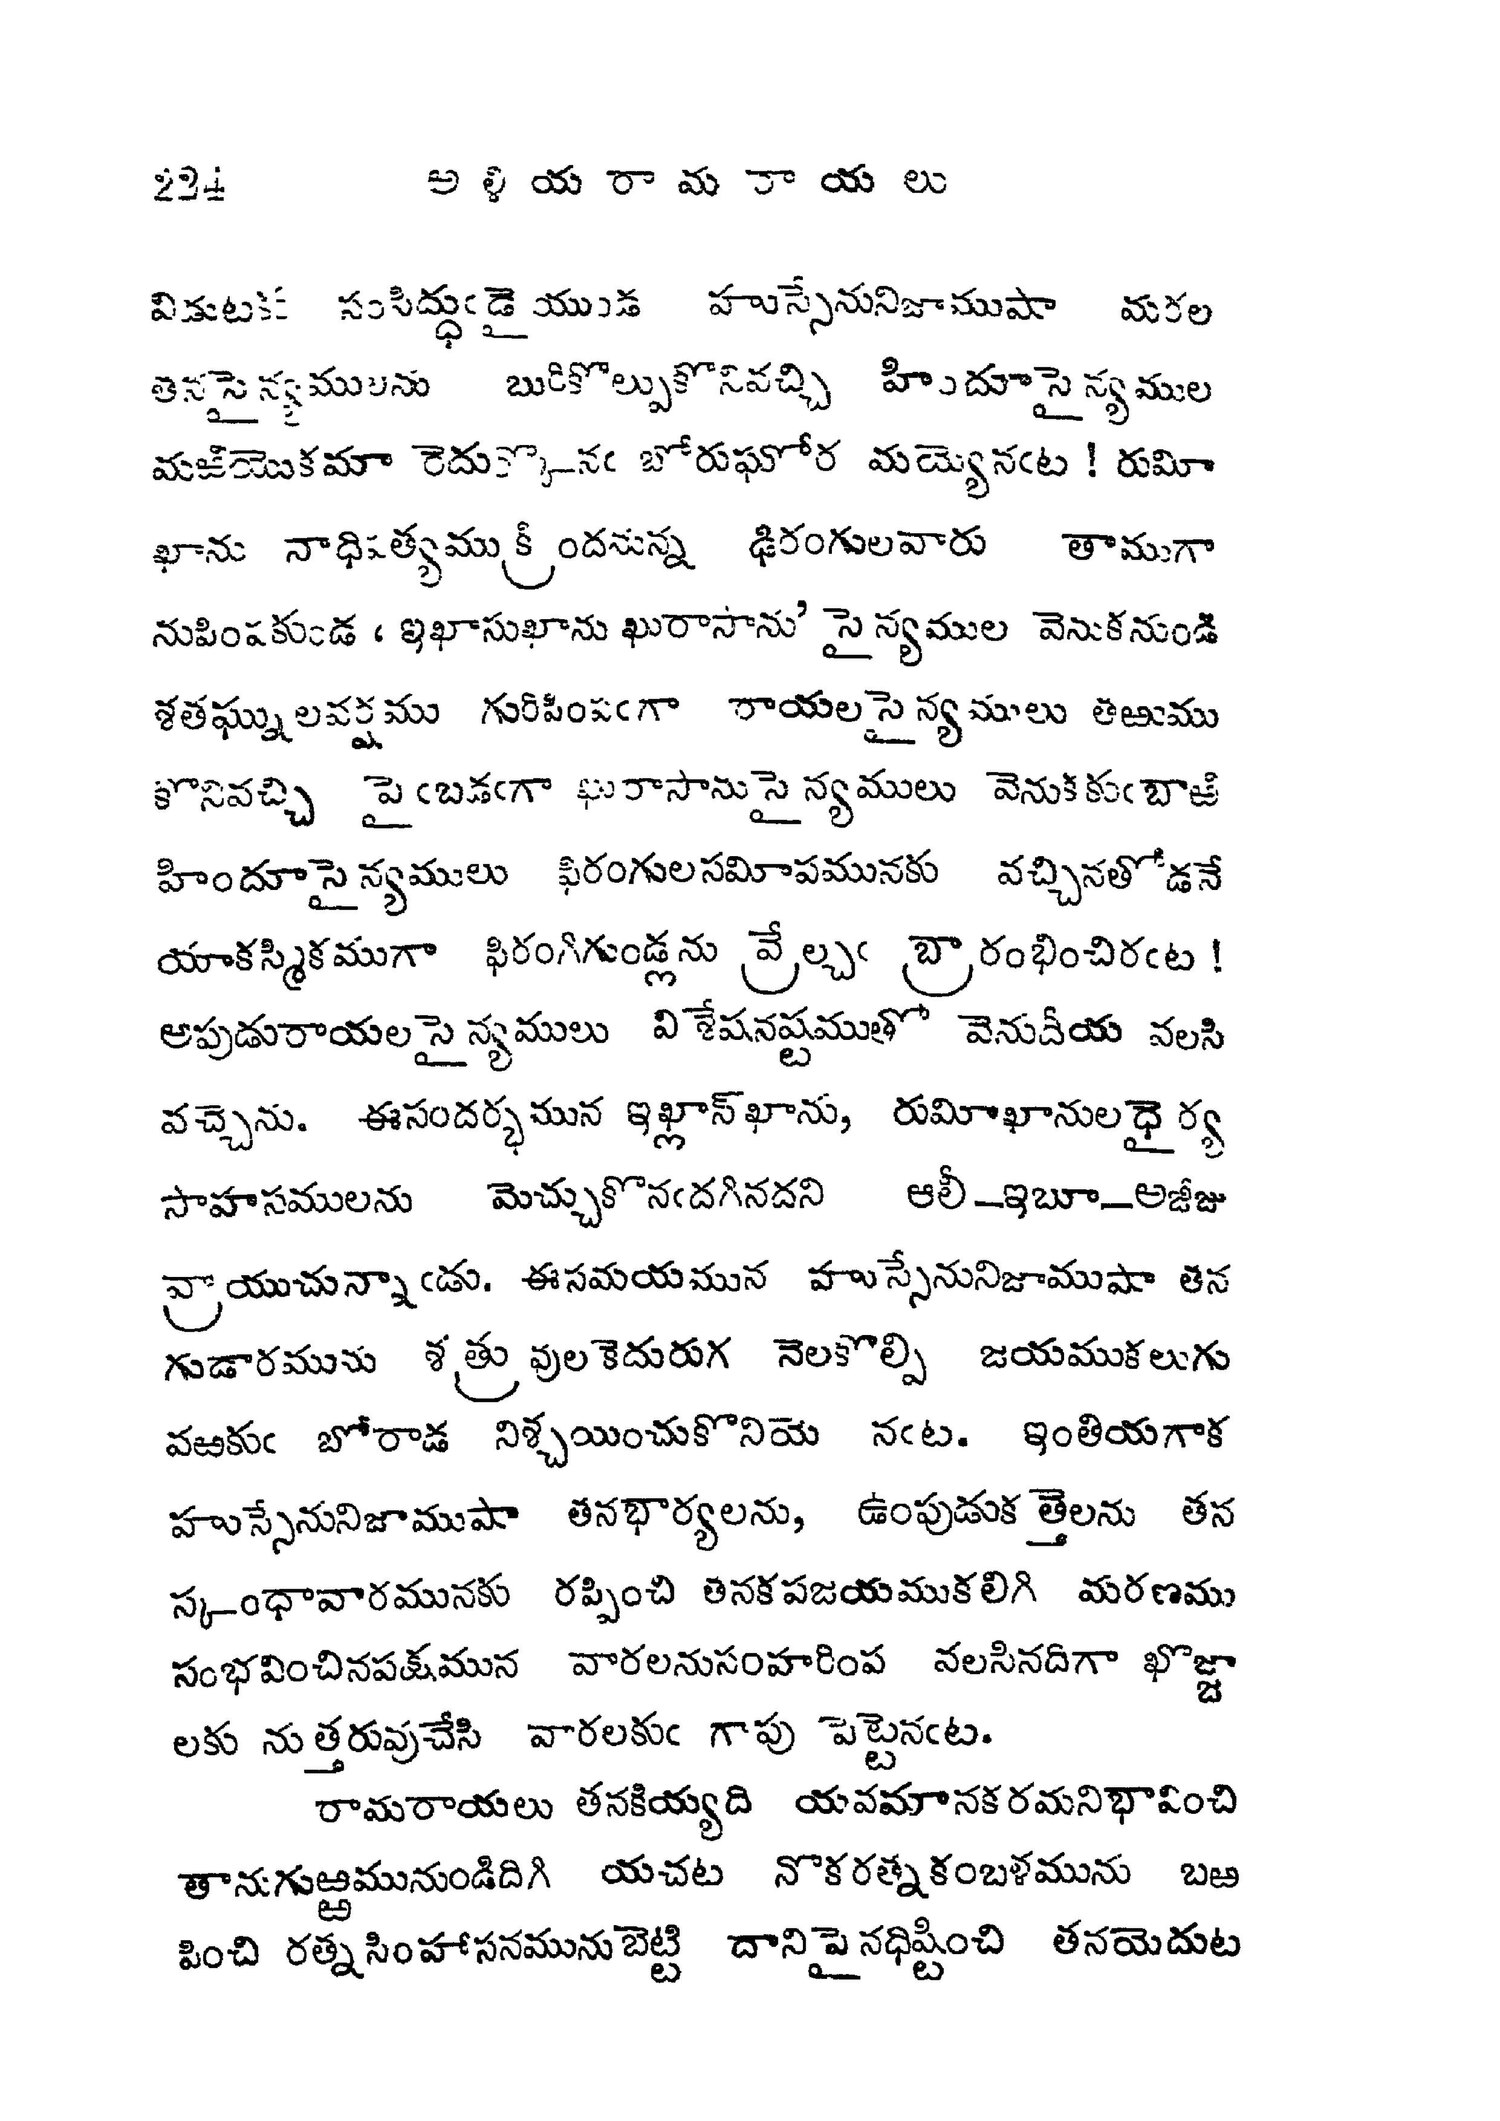విడుటకు సంసిద్ధుడైయుండ హుస్సేనునిజాముషా మరల తనసైన్యములను బురికొల్పుకొనివచ్చి హిందూసైన్యముల మఱియొకమా రెదుర్కొన బోరుఘోర మయ్యెనట ! రుమీఖాను నాధిపత్యము క్రిందనున్న డిరంగులవారు తాముగానుపింపకుండ 'ఇఖాసుఖాను ఖురాసాను' సైన్యముల వెనుకనుండి శతఘ్నులవర్షము గురిపింపగా రాయలసైన్యములు తఱుముకొనివచ్చి పైబడగా ఖురాసానుసైన్యములు వెనుకకు బాఱి హిందూసైన్యములు ఫిరంగులసమీపమునకు వచ్చినతోడనే యాకస్మికముగా ఫిరంగిగుండ్లను ప్రేల్చ బ్రారంభించిరట ! అపుడురాయలసైన్యములు విశేషనష్టముతో వెనుదీయ వలసివచ్చెను. ఈసందర్భమున ఇఖ్లాన్‌కాను, రుమీఖానులధైర్య సాహసములను మెచ్చుకొనదగినదని ఆలీ - ఇబూ - అజీజు వ్రాయుచున్నాడు. ఈసమయమున హుస్సేనునిజాముషా తన గుడారమును శత్రువులకెదురుగ నెలకొల్పి జయముకలుగువఱకు బోరాడ నిశ్చయించుకొనియె నట. ఇంతియగాక హుస్సేనునిజాముషా తనభార్యలను, ఉంపుడుకత్తెలను తనస్కంధావారమునకు రప్పించి తనకపజయముకలిగి మరణము సంభవించినపక్షమున వారలనుసంహరింప వలసినదిగా ఖొజ్జాలకు నుత్తరువుచేసి వారలకు గాపు పెట్టెనట.

రామరాయలు తనకియ్యది యవమానకరమని భావించి తానుగుఱ్ఱమునుండిదిగి యచట నొకరత్న కంబళమును బఱపించి రత్నసింహాసనమునుబెట్టి దానిపైనధిష్టించి తనయెదుట